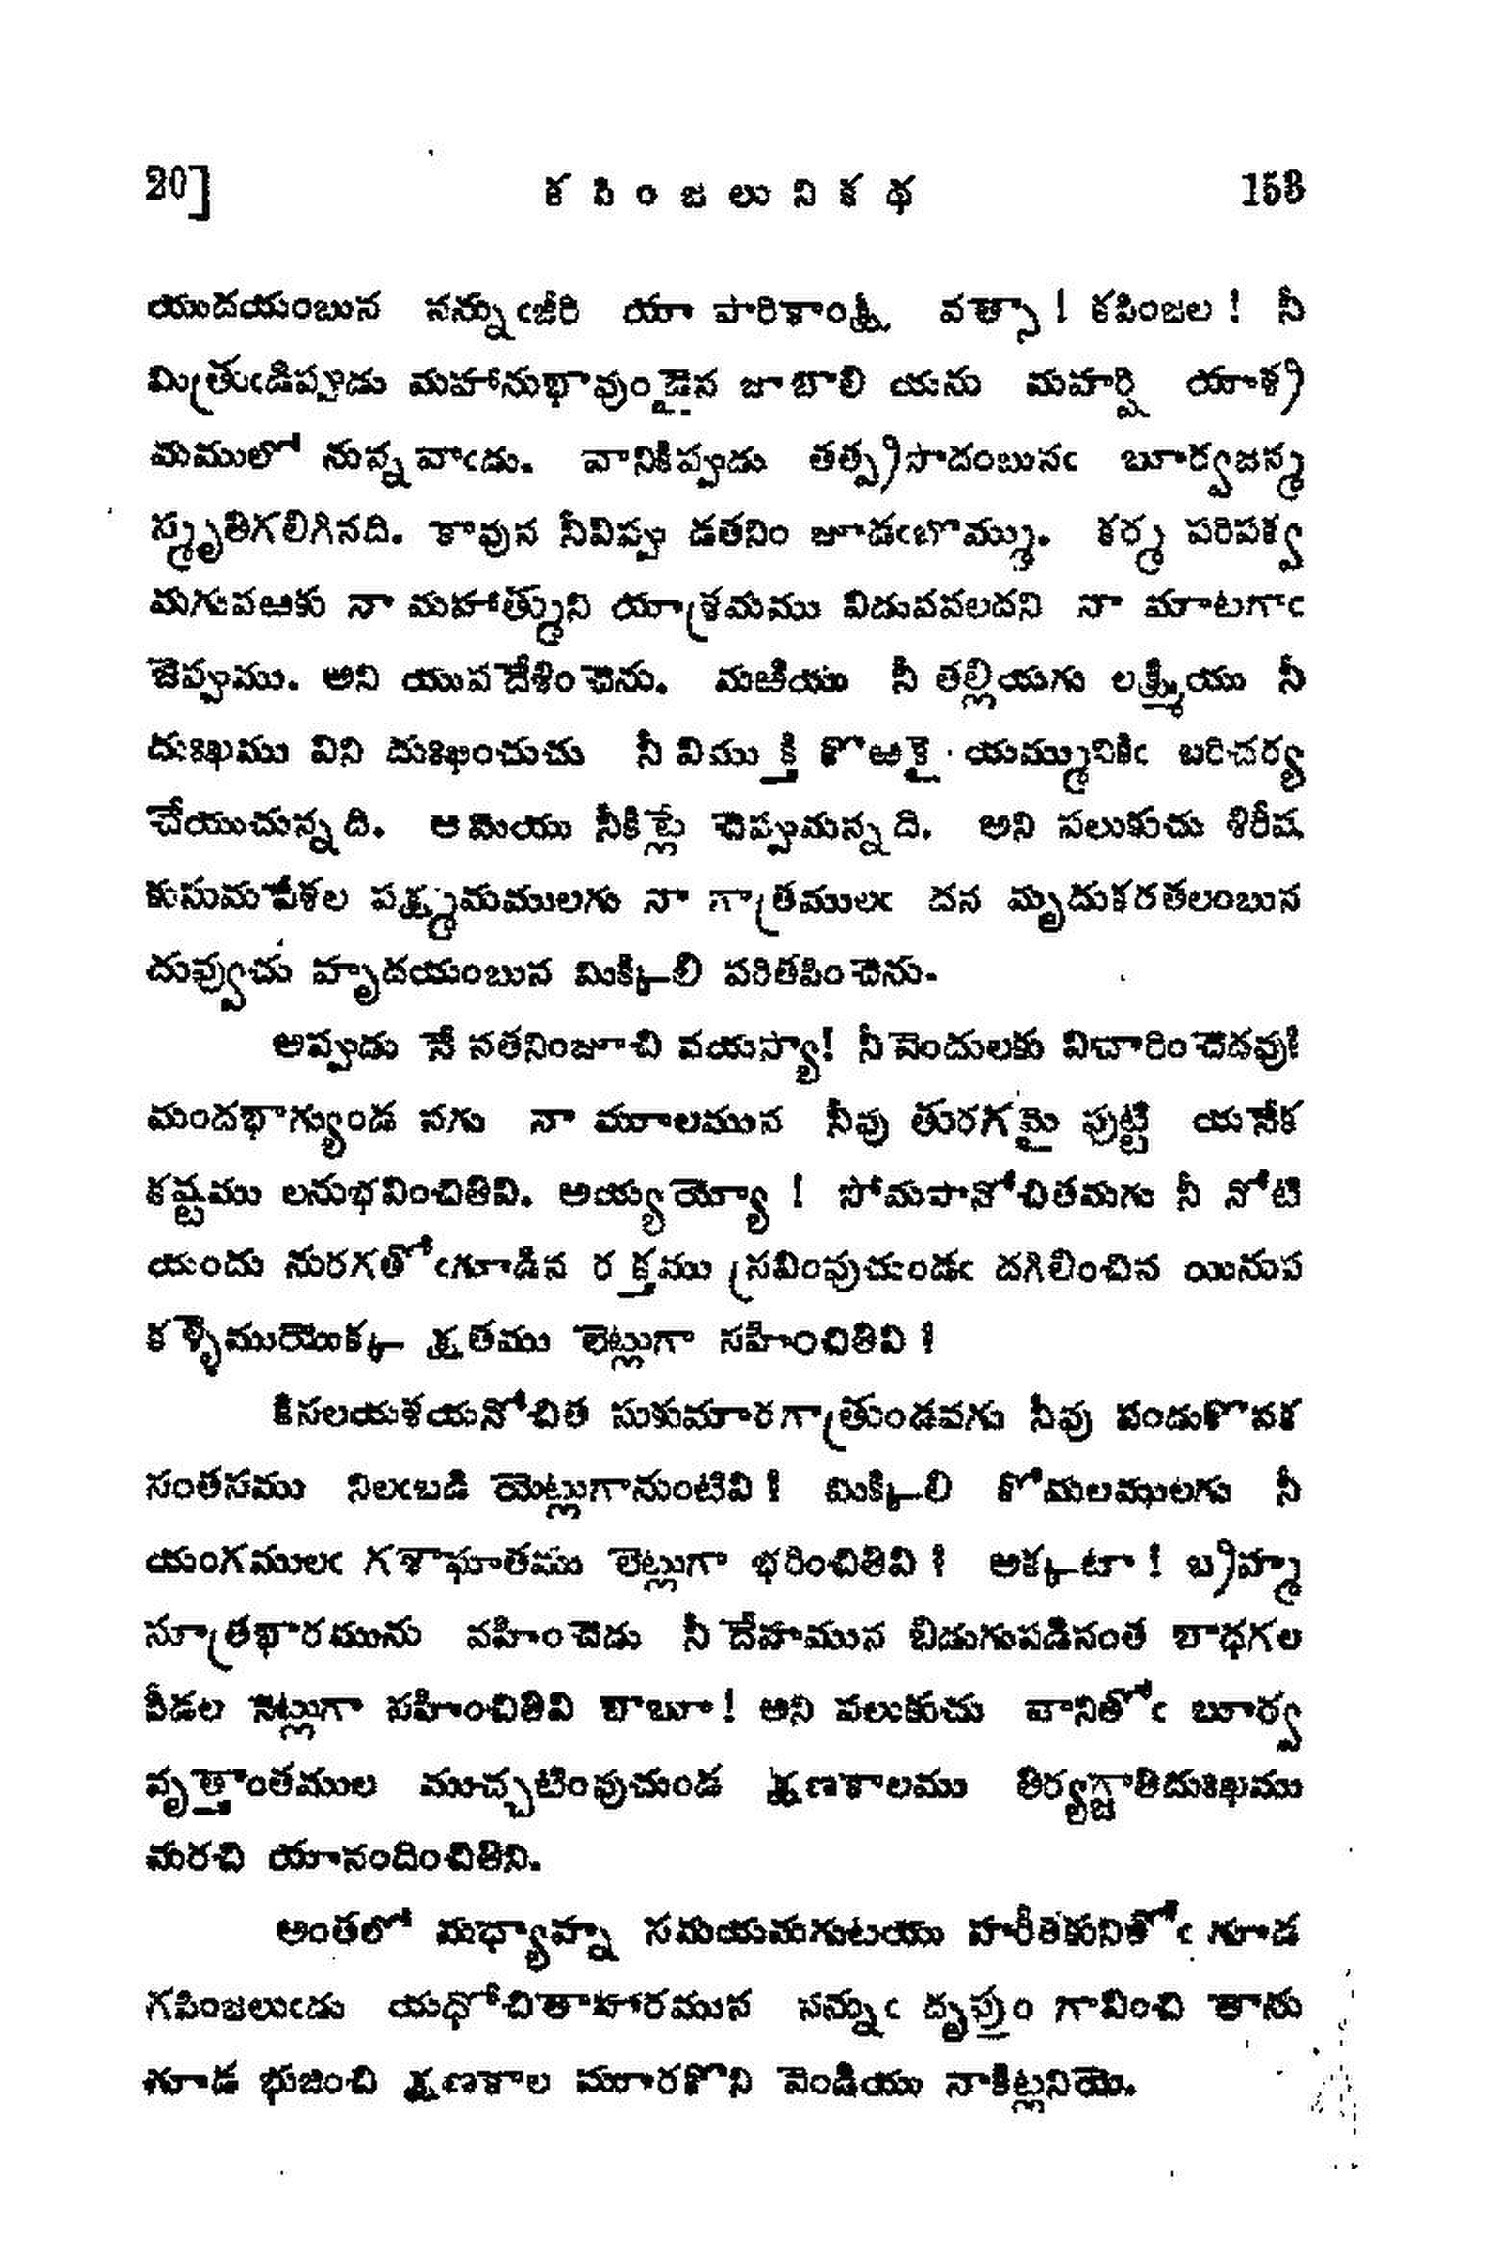యుదయంబున నన్నుఁజీరి యా పారికాంక్షీ వత్సా! కపింజల! నీ మిత్రుఁడిప్పుడు మహానుభావుండైన జాబాలి యను మహర్షి యాశ్రమములో నున్నవాఁడు. వానికిప్పుడు తత్ప్రసాదంబునఁ బూర్వజన్మ స్మృతిగలిగినది. కావున నీవిప్పు డతనిం జూడఁబొమ్ము. కర్మ పరిపక్వమగువఱకు నా మహాత్ముని యాశ్రమము విడువవలదని నా మాటగాఁ జెప్పుము. అని యుపదేశించెను. మఱియు నీ తల్లియగు లక్ష్మియు నీ దుఃఖము విని దుఃఖించుచు నీ విముక్తి కొఱకై యమ్మునికిఁ బరిచర్య చేయుచున్నది. ఆమెయు నీకిట్లే చెప్పుమన్నది. అని పలుకుచు శిరీష కుసుమపేశల పక్ష్మమములగు నా గాత్రములఁ దన మృదుకరతలంబున దువ్వుచు హృదయంబున మిక్కిలి పరితపించెను.

అప్పుడు నే నతనింజూచి వయస్యా! నీవెందులకు విచారించెదవు? మందభాగ్యుండ నగు నా మూలమున నీవు తురగమై పుట్టి యనేక కష్టము లనుభవించితివి. అయ్యయ్యో! సోమపానోచితమగు నీ నోటి యందు నురగతోఁగూడిన రక్తము స్రవింపుచుండఁ దగిలించిన యినుప కళ్ళెముయొక్క క్షతము లెట్లుగా సహించితివి?

కిసలయశయనోచిత సుకుమారగాత్రుండవగు నీవు పండుకొనక సంతసము నిలఁబడి యెట్లుగానుంటివి? మిక్కిలి కోమలములగు నీ యంగములఁ గశాఘాతము లెట్లుగా భరించితివి? అక్కటా! బ్రహ్మ సూత్రభారమును వహించెడు నీ దేహమున బిడుగుపడినంత బాధగల నీడల నెట్లుగా సహించితివి బాబూ! అని పలుకుచు వానితోఁ బూర్వ వృత్తాంతముల ముచ్చటింపుచుండ క్షణకాలము తిర్యగ్జాతిదుఃఖము మరచి యానందించితిని.

అంతలో మధ్యాహ్న సమయమగుటయు హరీతకునితోఁగూడ గపింజలుఁడు యధోచితాహారమున నన్నుఁ దృప్తుం గావించి తాను గూడ భుజించి క్షణకాల మూరకొని వెండియు నాకిట్లనియె.